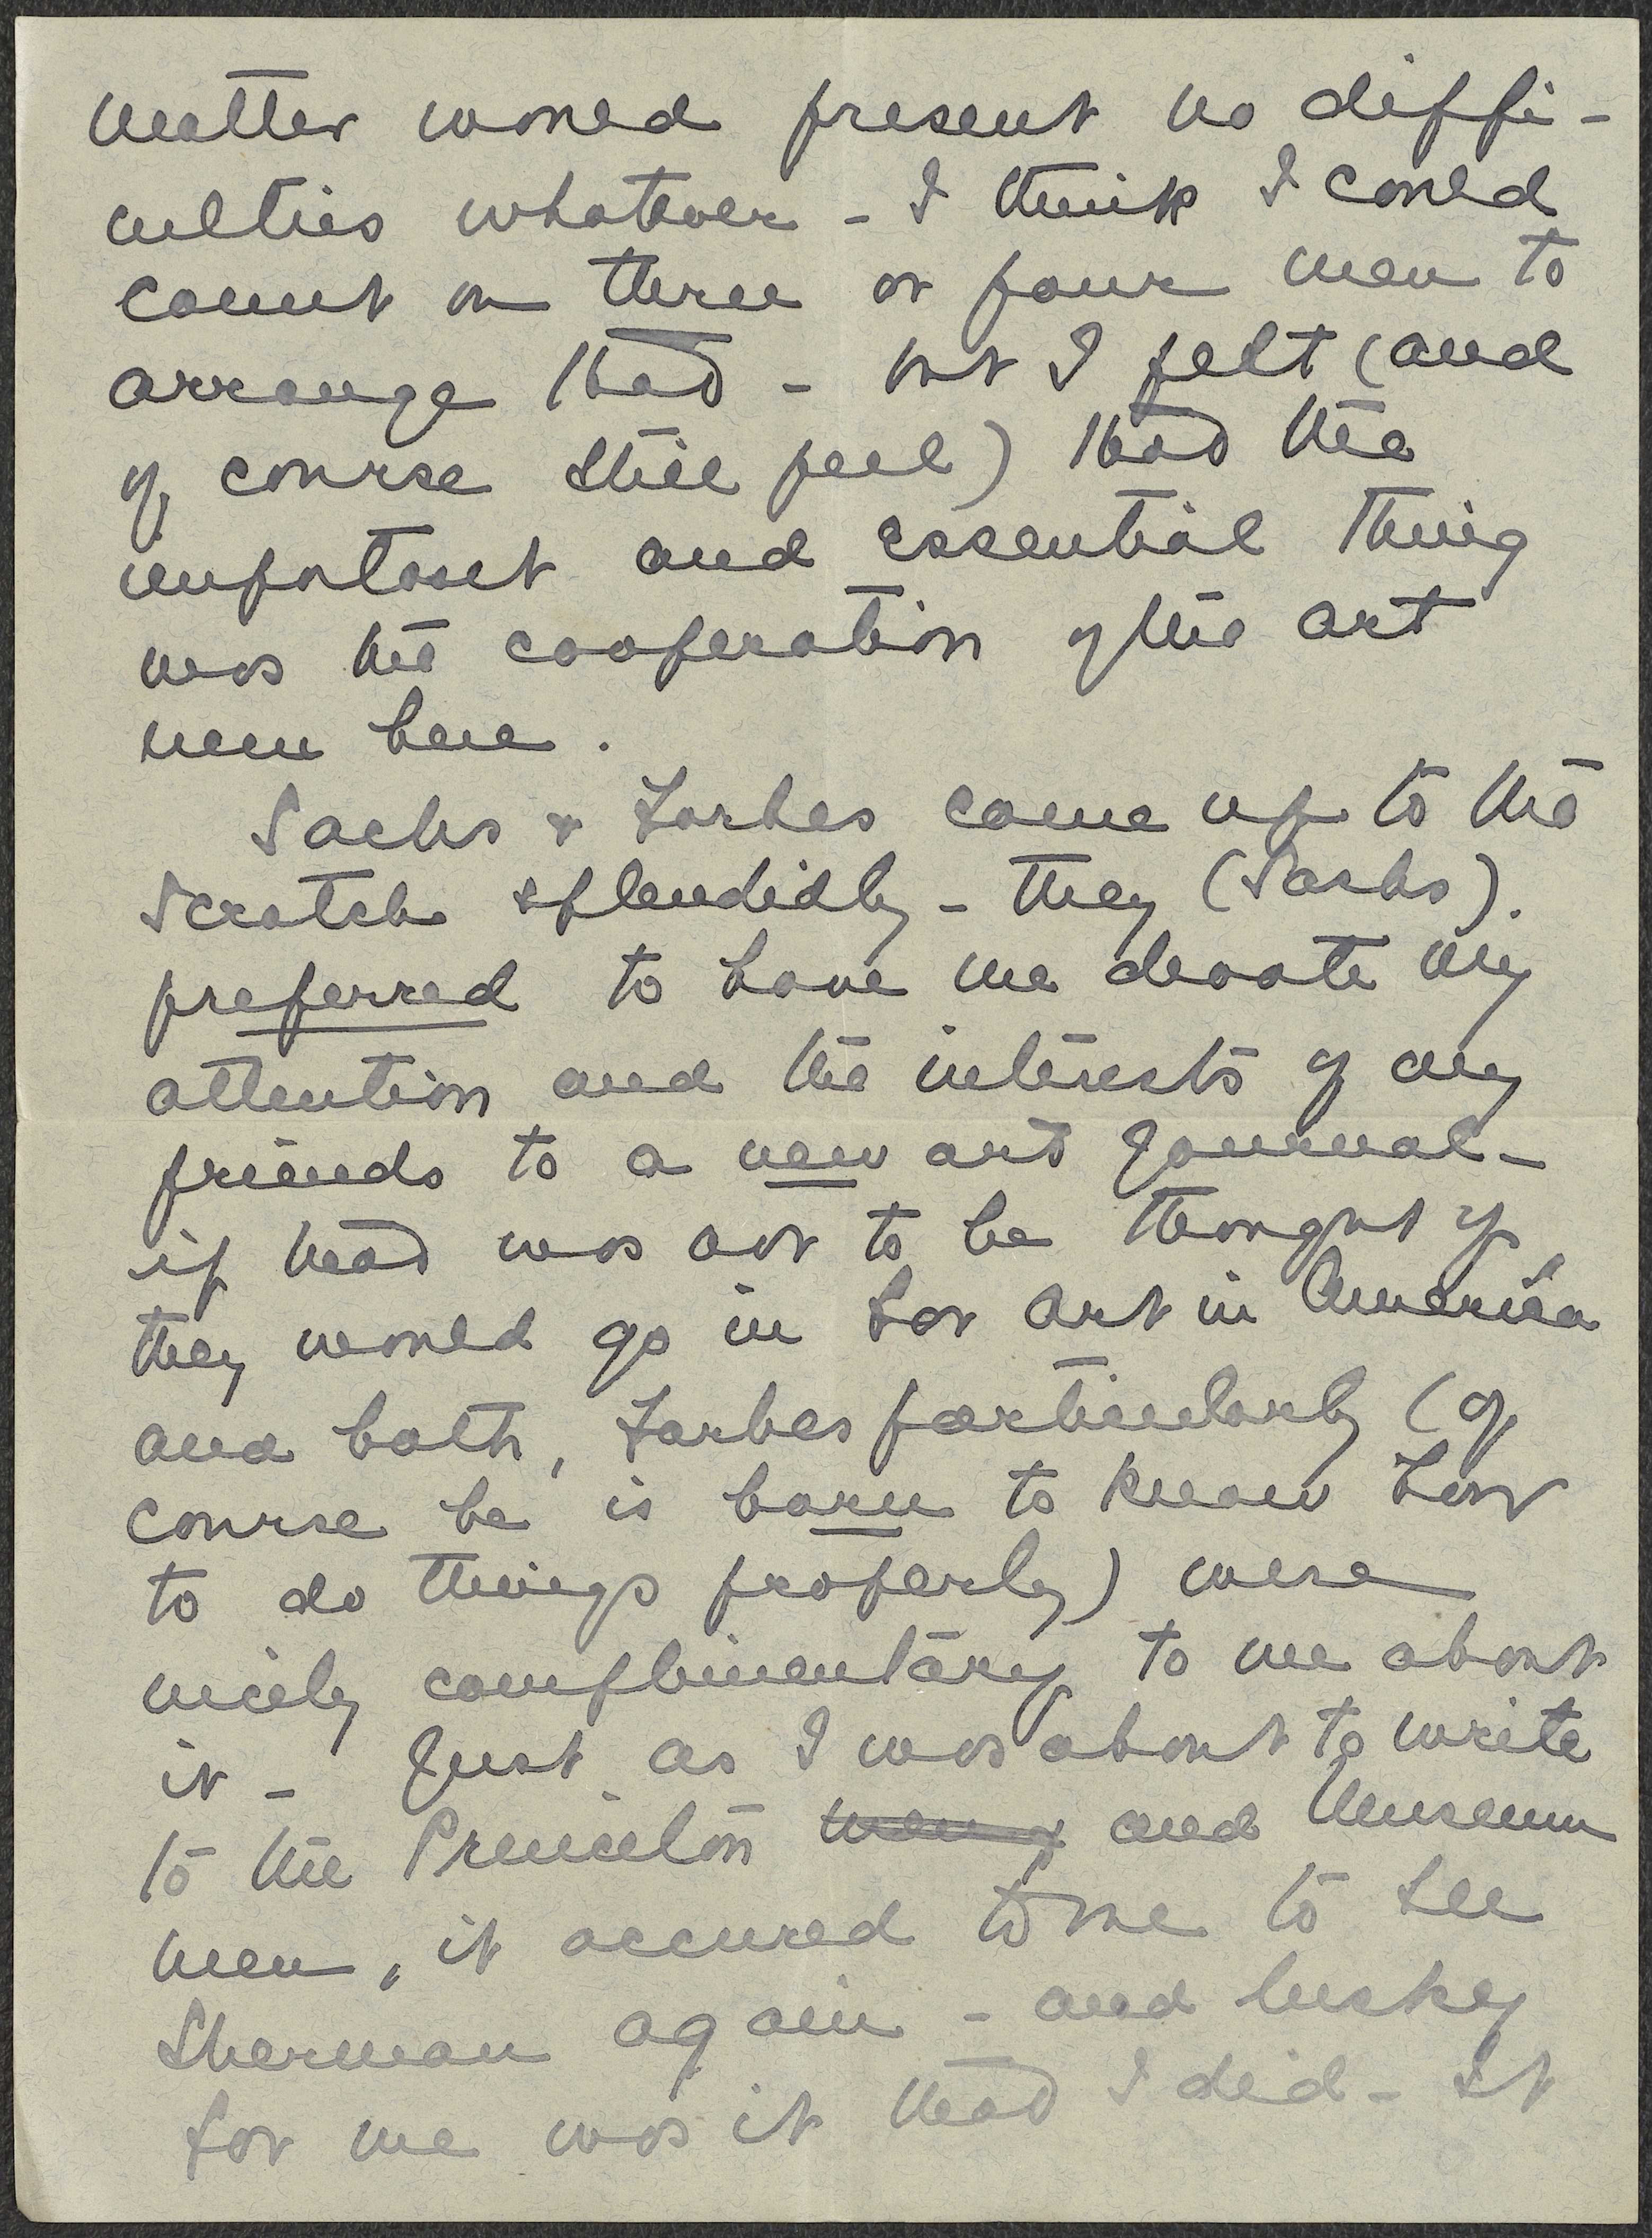matter would present no difficulties whatever – I think I could count on three or four men to arrange that – but I felt (and our course still feel) that the important and essential thing was the cooperation of the art men here.
Sachs & Forbes came up to the scratch splendidly – they (Sachs). preferred to have me devote my attention and the interests of my friends to a new art journal – if that was not to be thought of they would go in for Art in America and both, Forbes particularly (of course he is born to know how to do things properly) were nicely complimentary to me about it – Just as I was about to write to the Princeton men and Museum men, it occured [sic] to me to see Sherman again – and lucky for me was it that I did – It